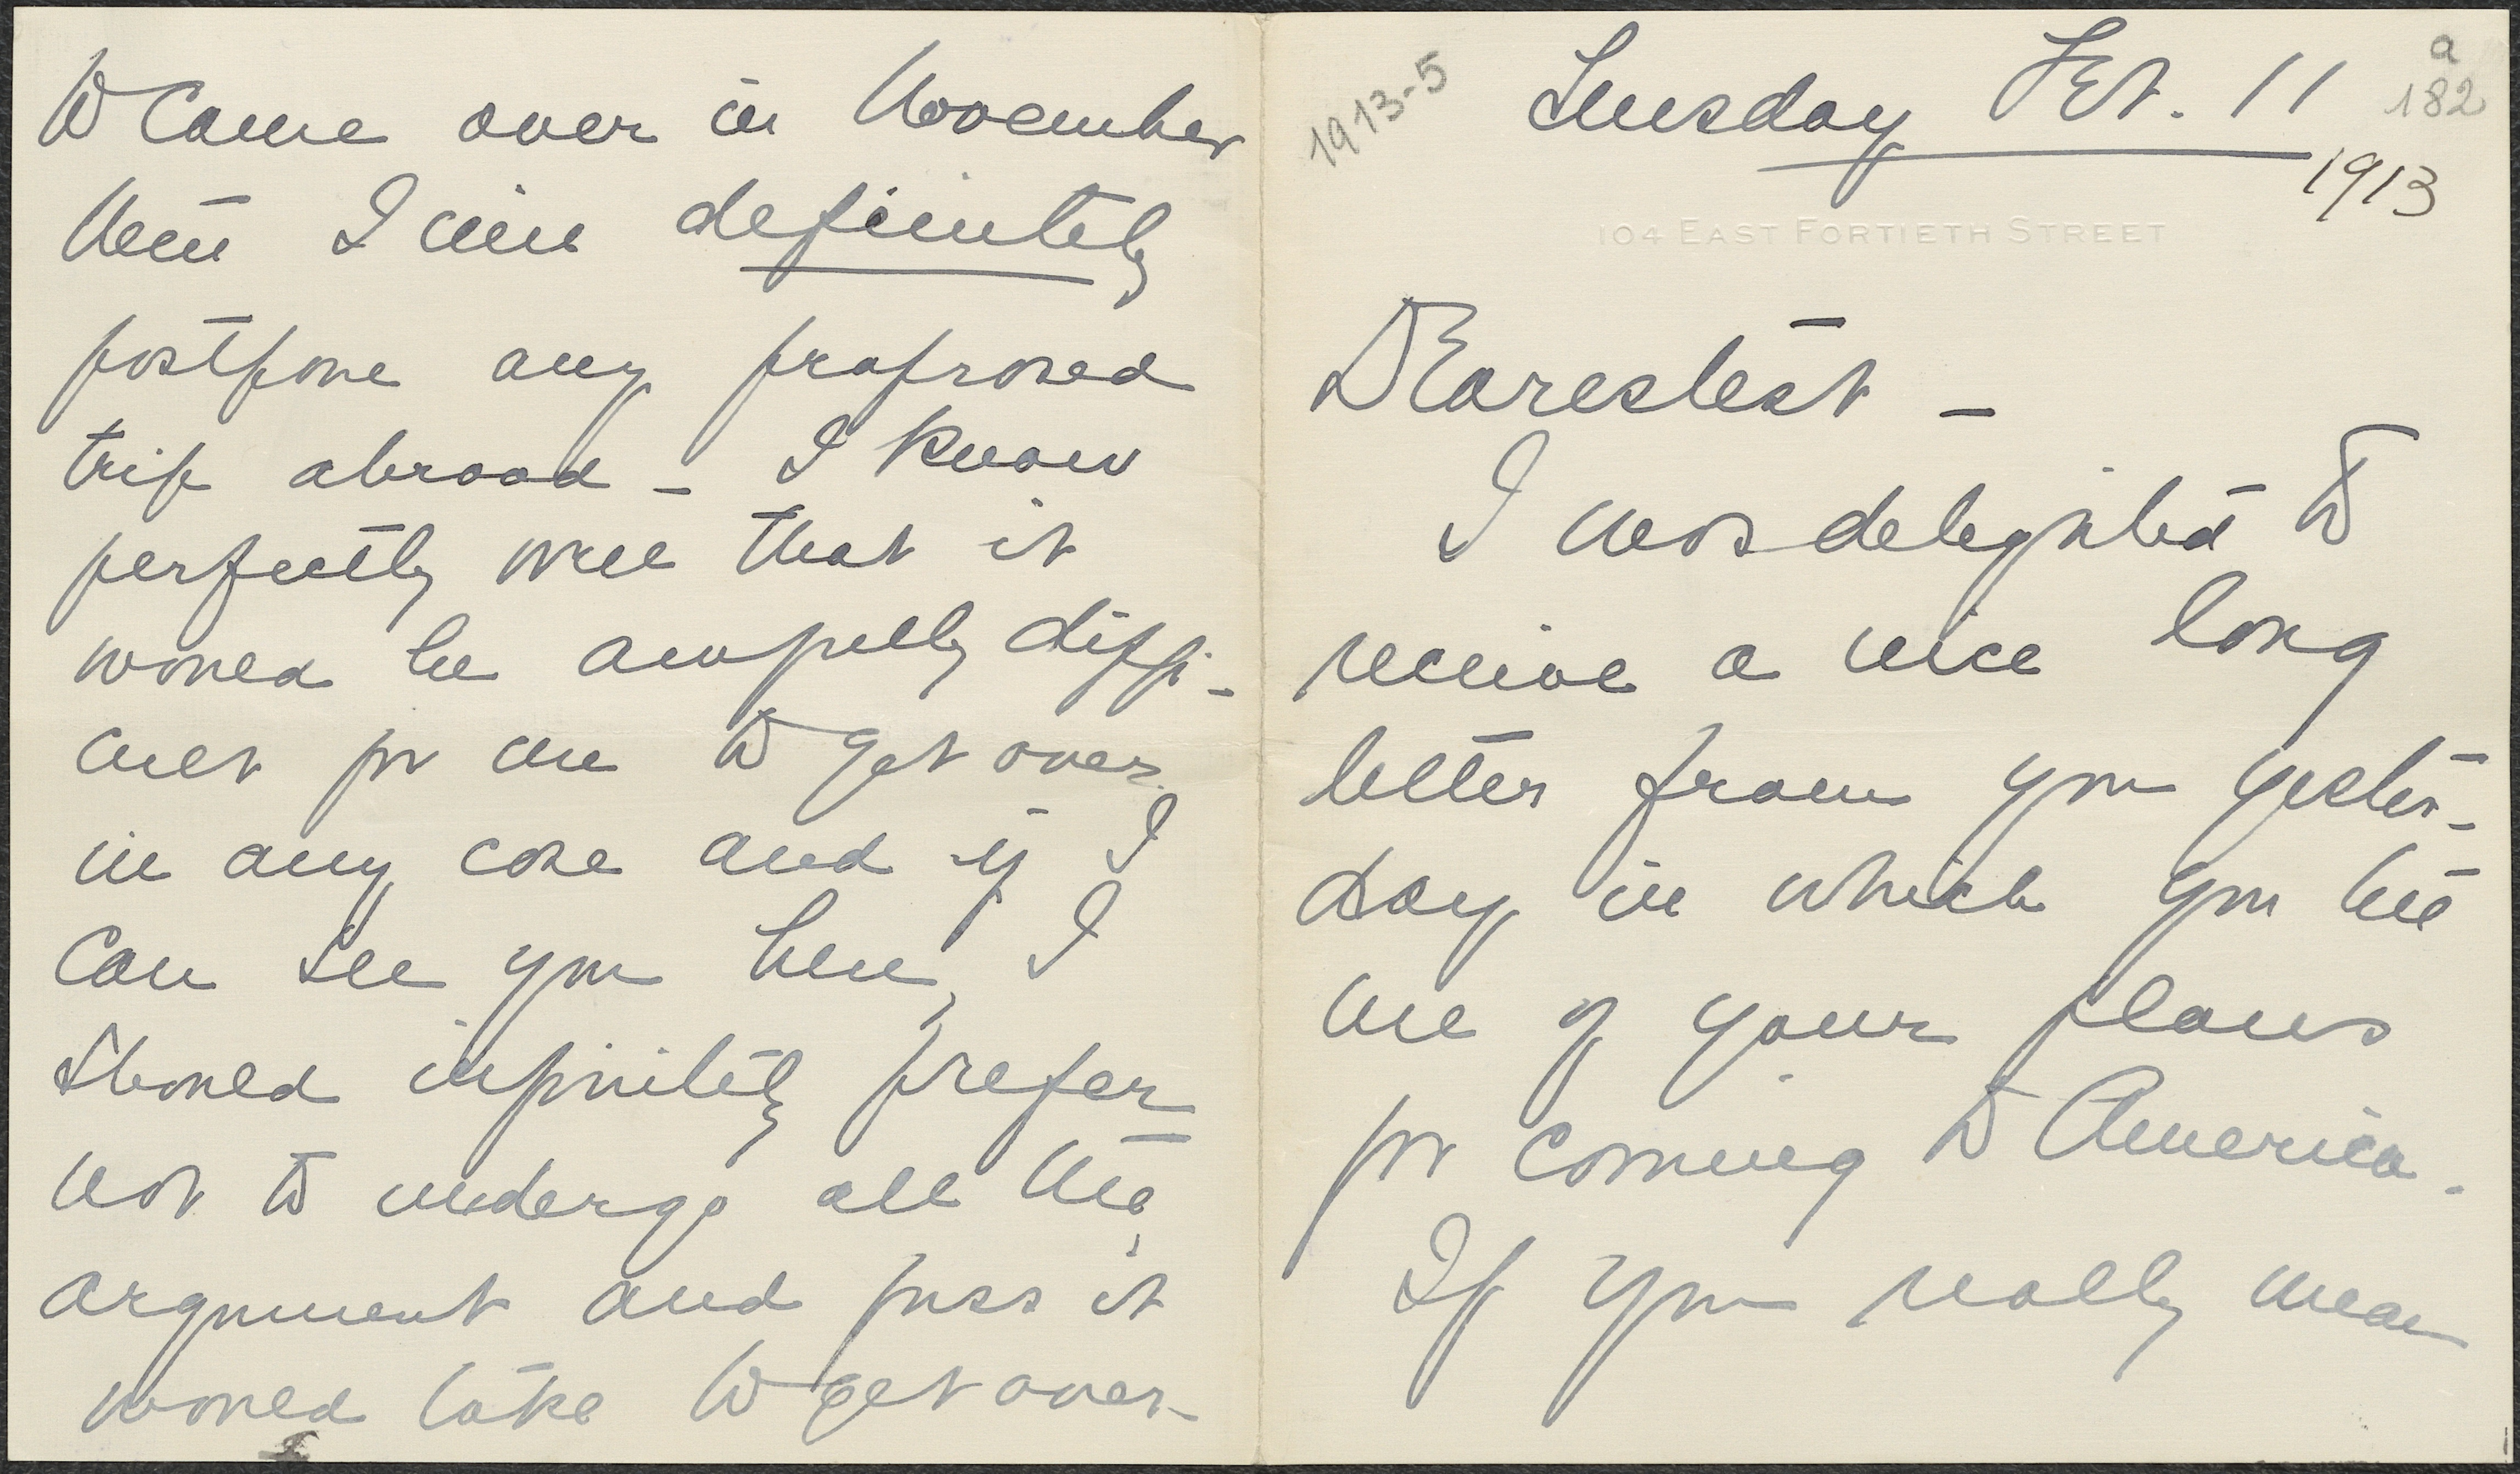Tuesday Feb. 11
Dearestest –
I was delighted to receive a nice long letter from you yesterday in which you tell me of your plans for coming to America. If you really mean
to come over in November then I will definitely postpone any proposed trip abroad – I know perfectly well that it would be awfully difficult for me to get over in any case and if I can see you here, I should infinitely prefer not to undergo all the argument and fuss it would take to get over –